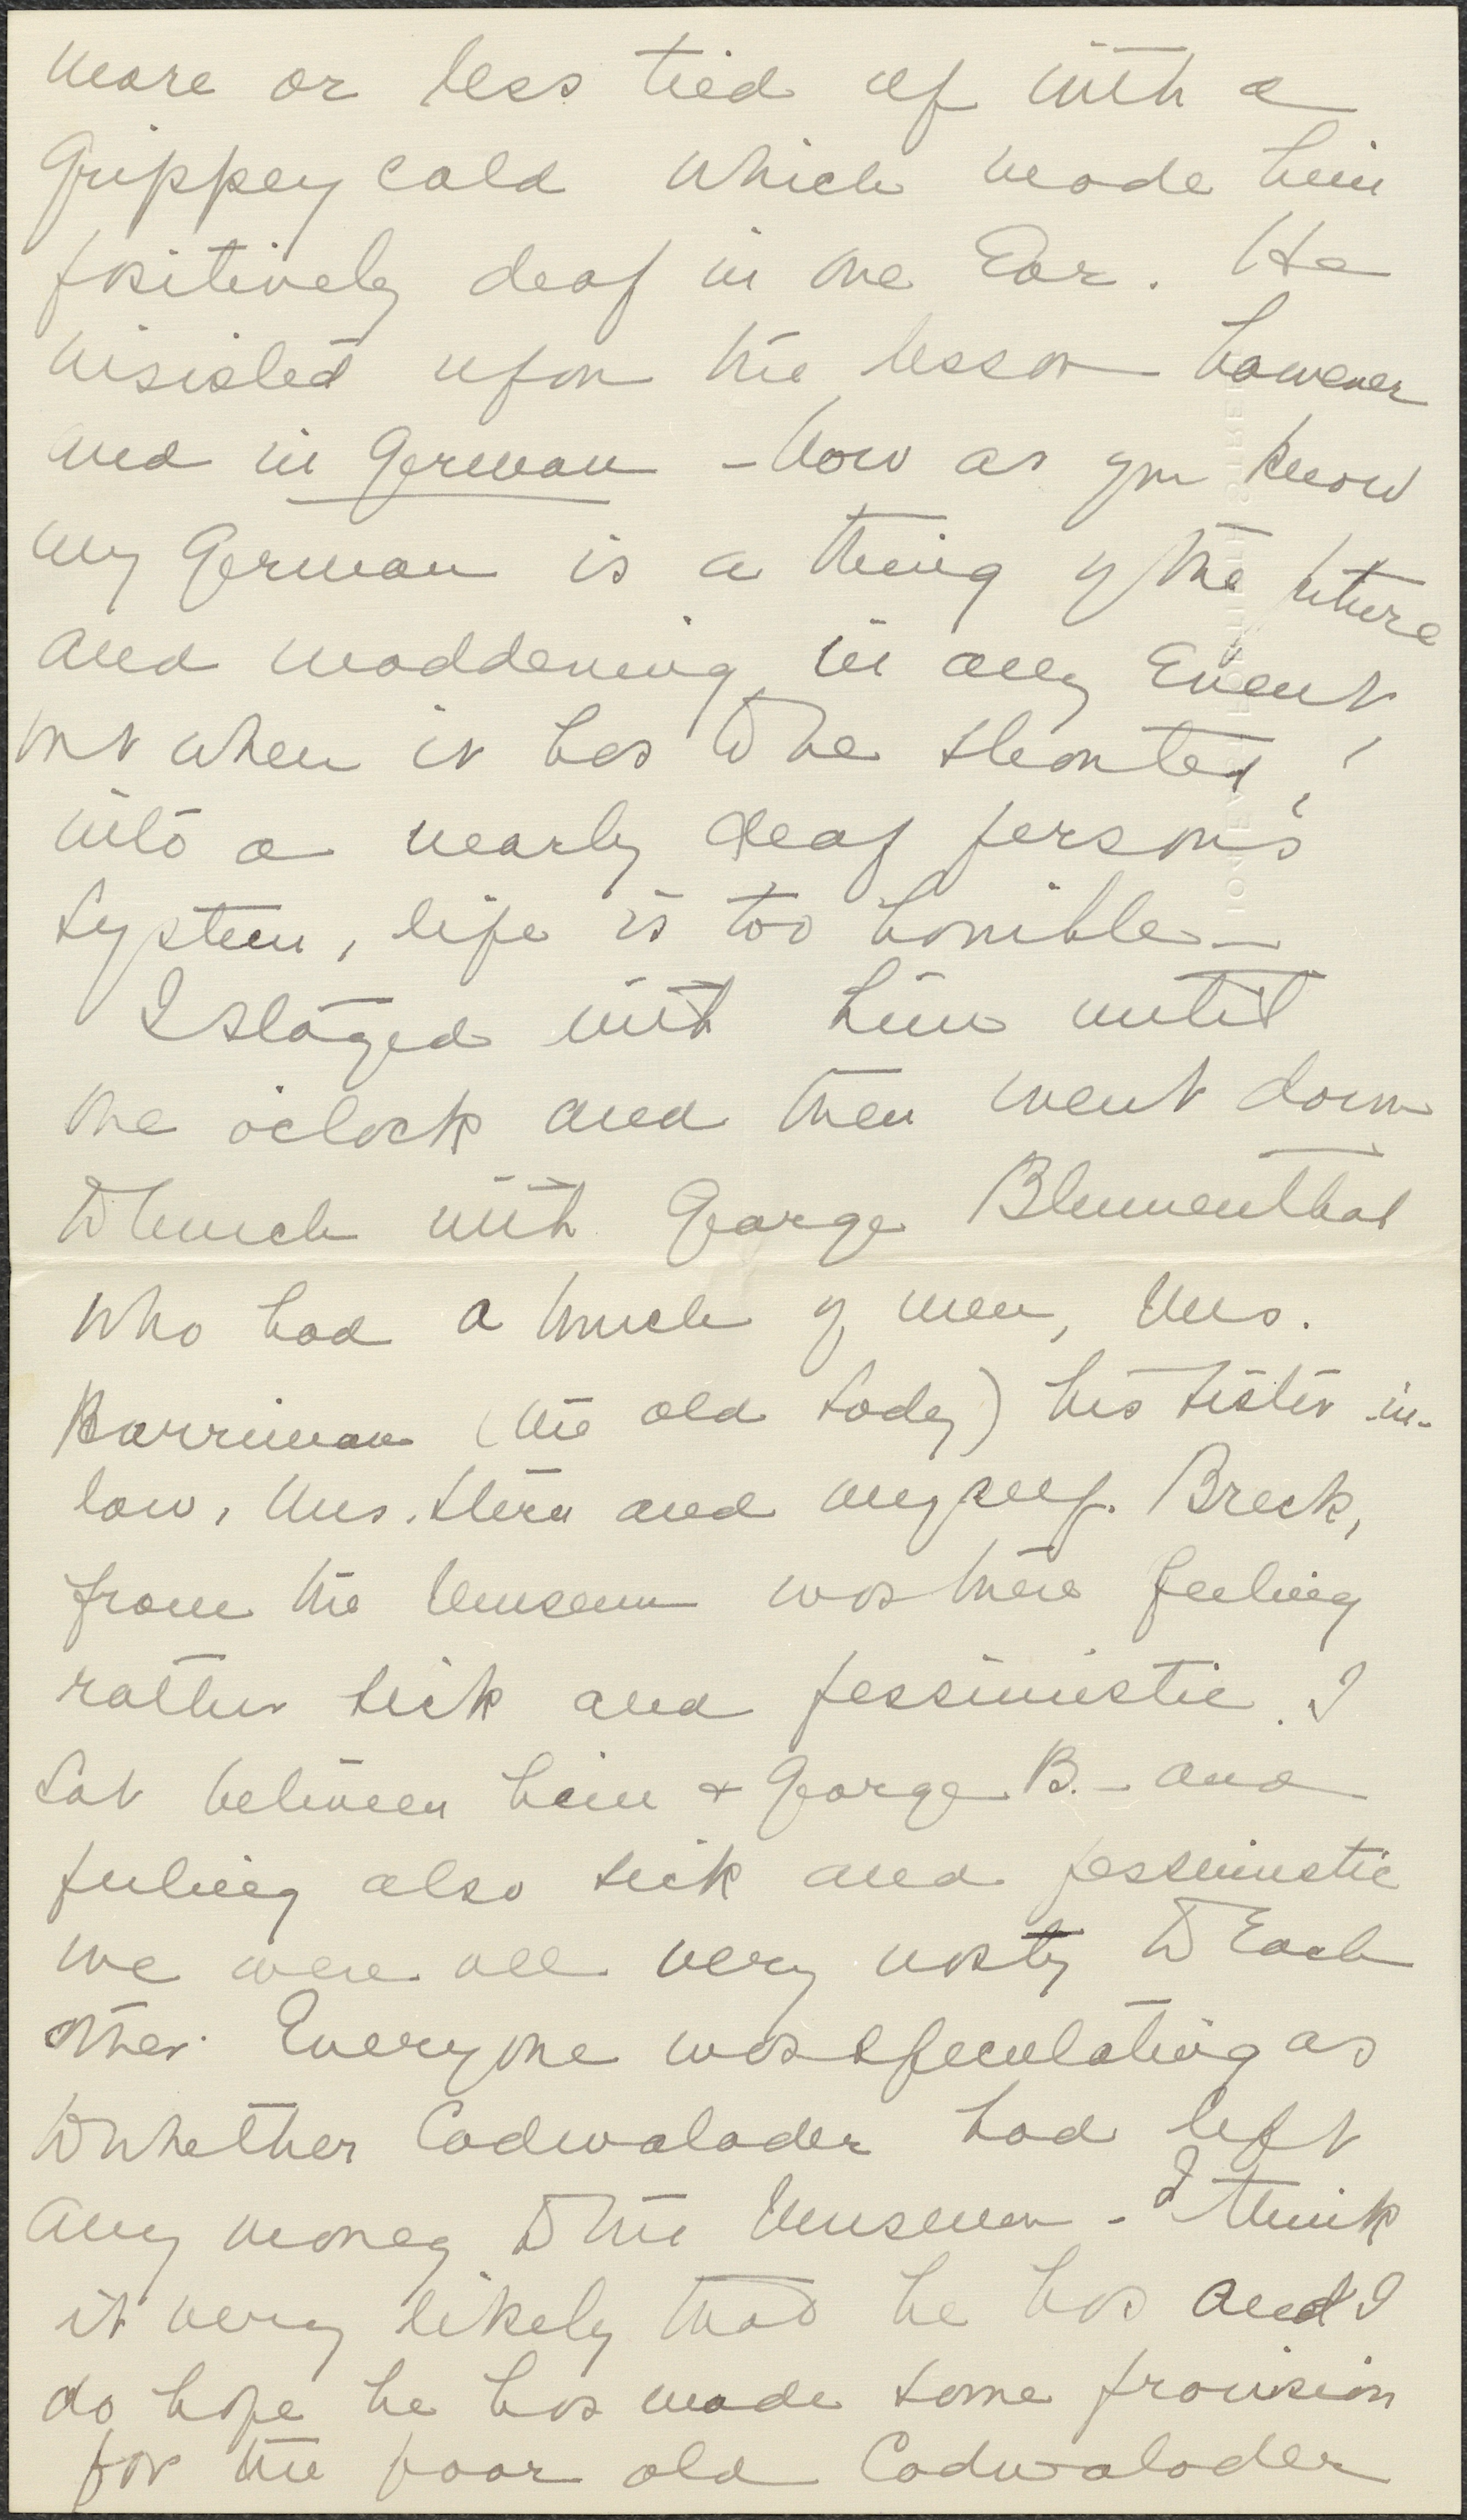more or less tied up with a grippey cold which made him positively deaf in one ear. He insisted upon the lesson however and in German – Now as you know my German is a thing of the future and maddening in any event, but when it has to be shouted, into a nearly deaf person’s system, life is too horrible –
I stayed with him until one o’clock and then went down to lunch with George Blumenthal who had a bunch of men, Mrs. Harrison (the old lady) his sister in law, Mrs. Stern and myself. Breck, from the Museum was here feeling rather sick and pessimistic. I sat between him and George B. – and feeling also sick and pessimistic we were all very nasty to each other. Everyone was speculation as to whether Cadwalader had left any money to the Museum – I think it very likely that he has and I do hope he has made some provision for the poor old Cadwalader